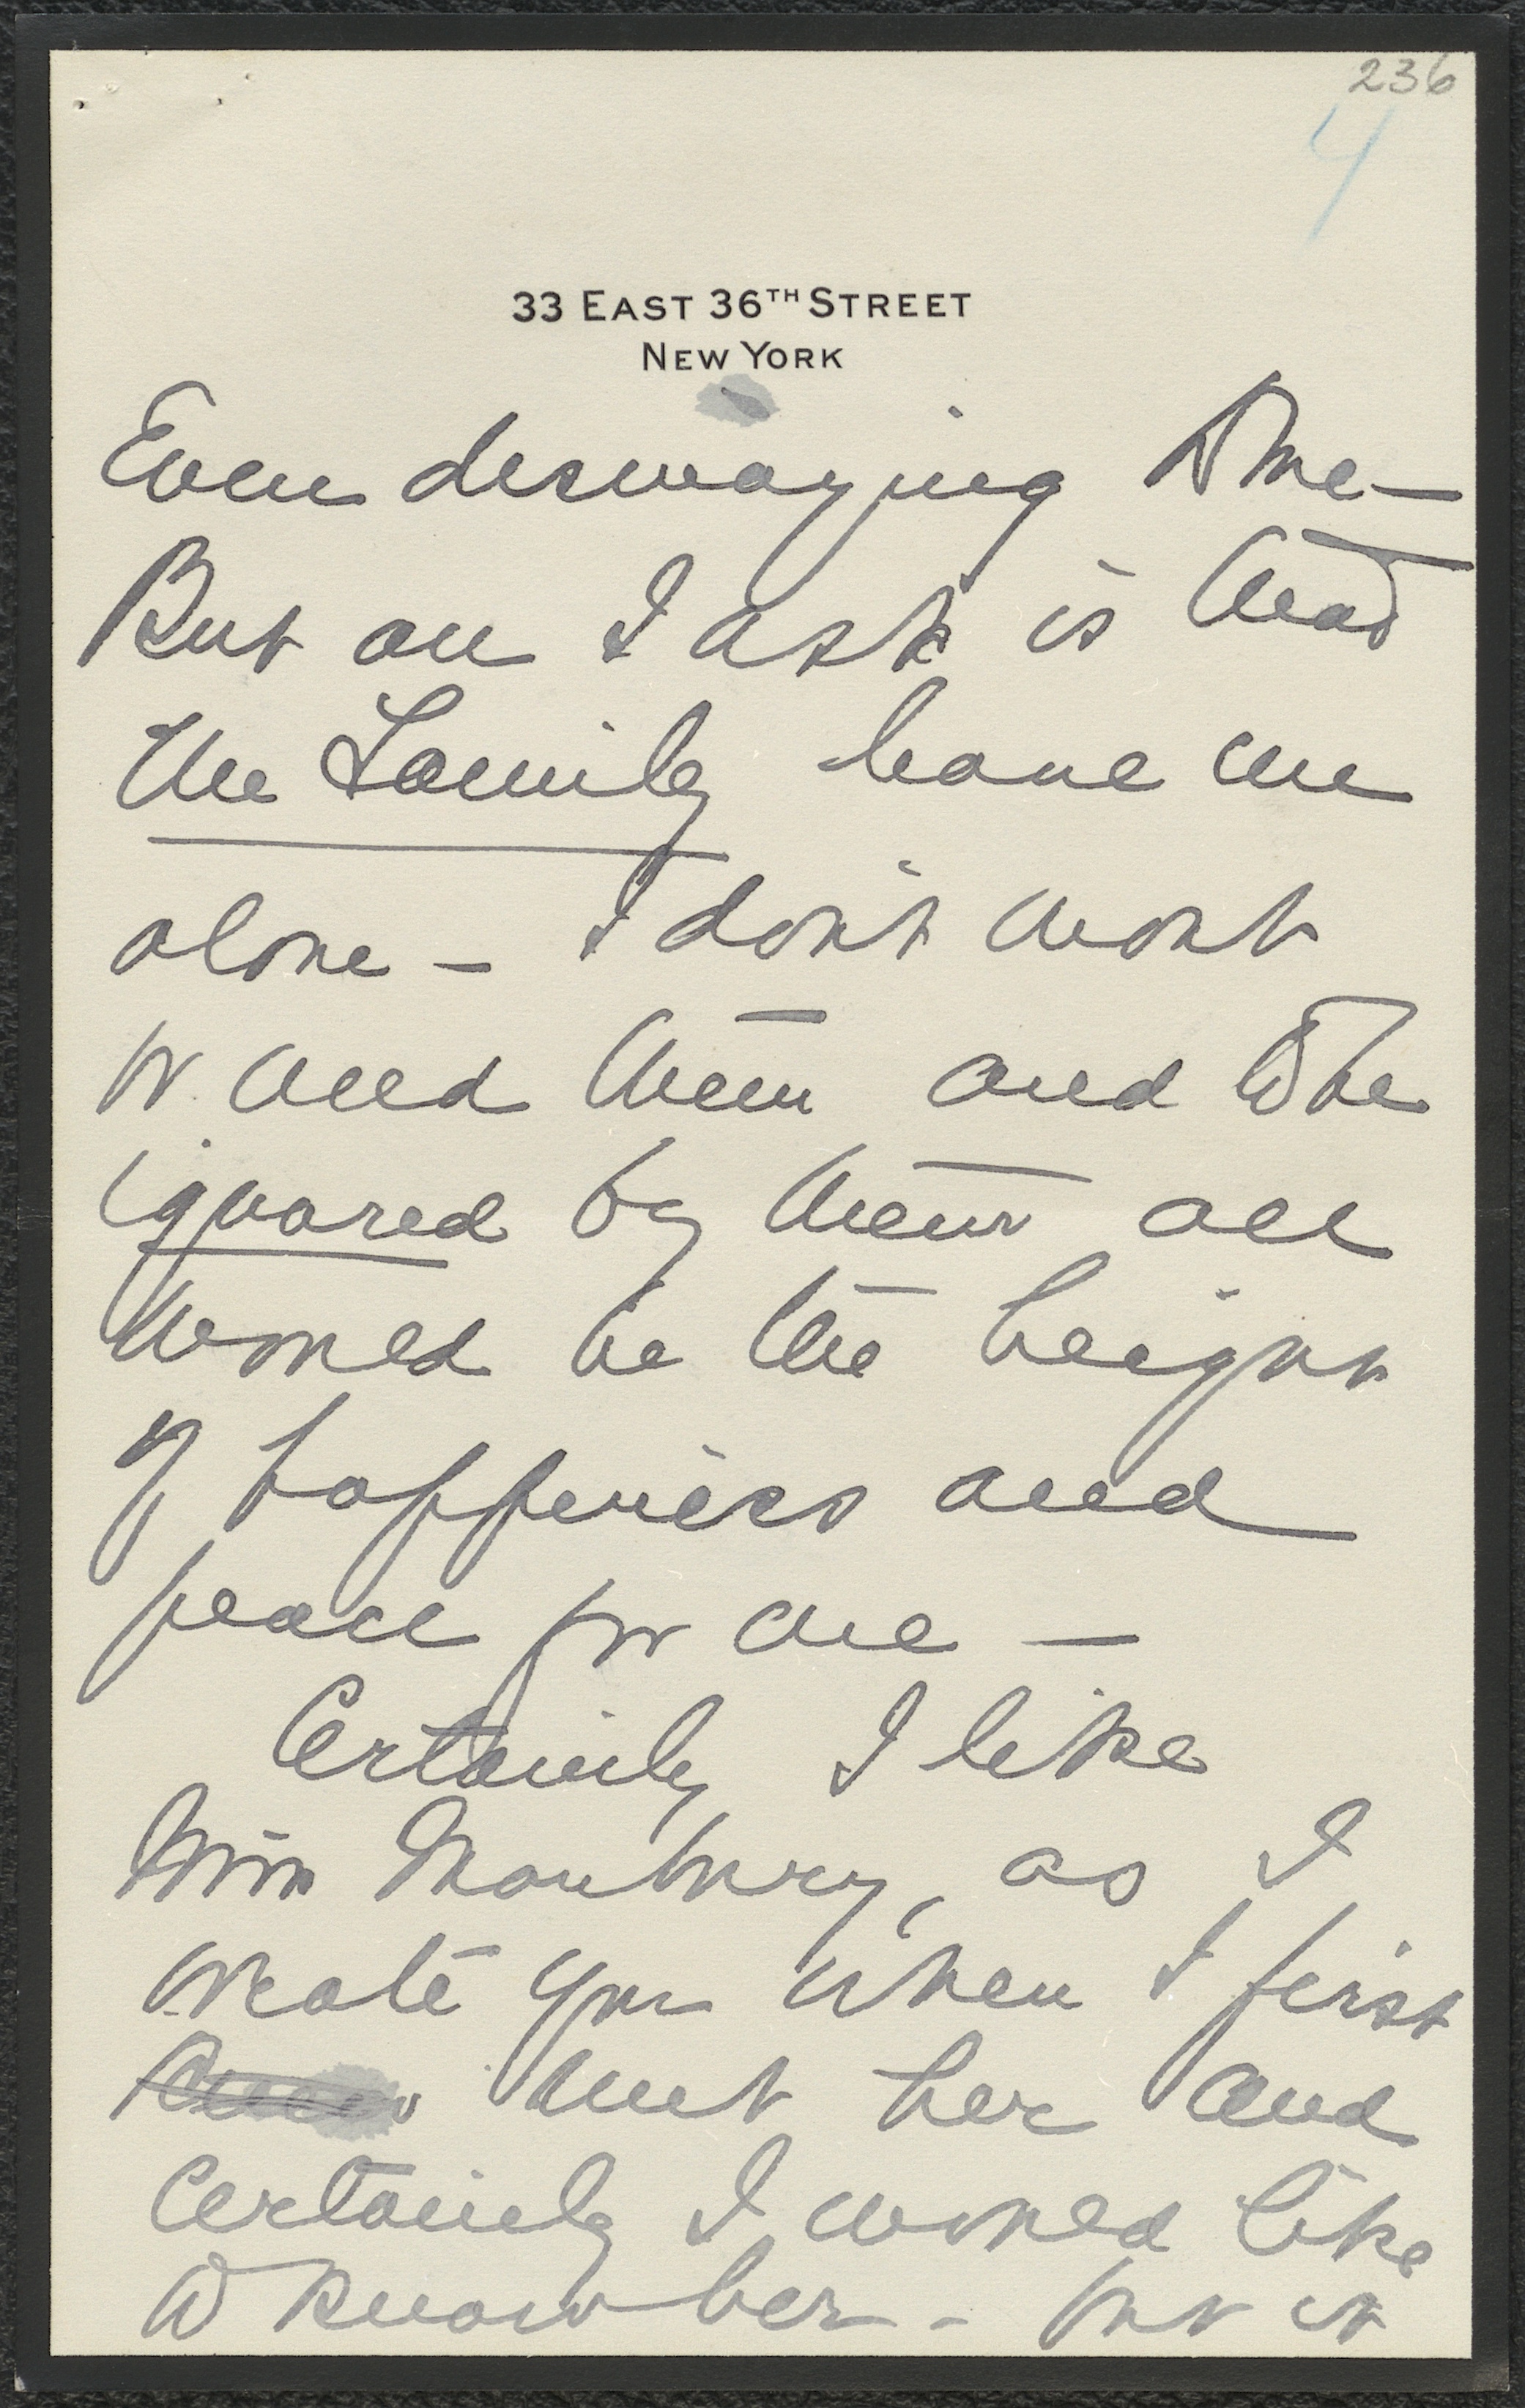even dismaying to me – But all I ask is that the family leave me alone – I don’t want or need them and to be ignored by them all would be the height of happiness and peace for me –
Certainly I like Miss Marbury, as I wrote you when I first knew met her and certainly I would like to know her – but it